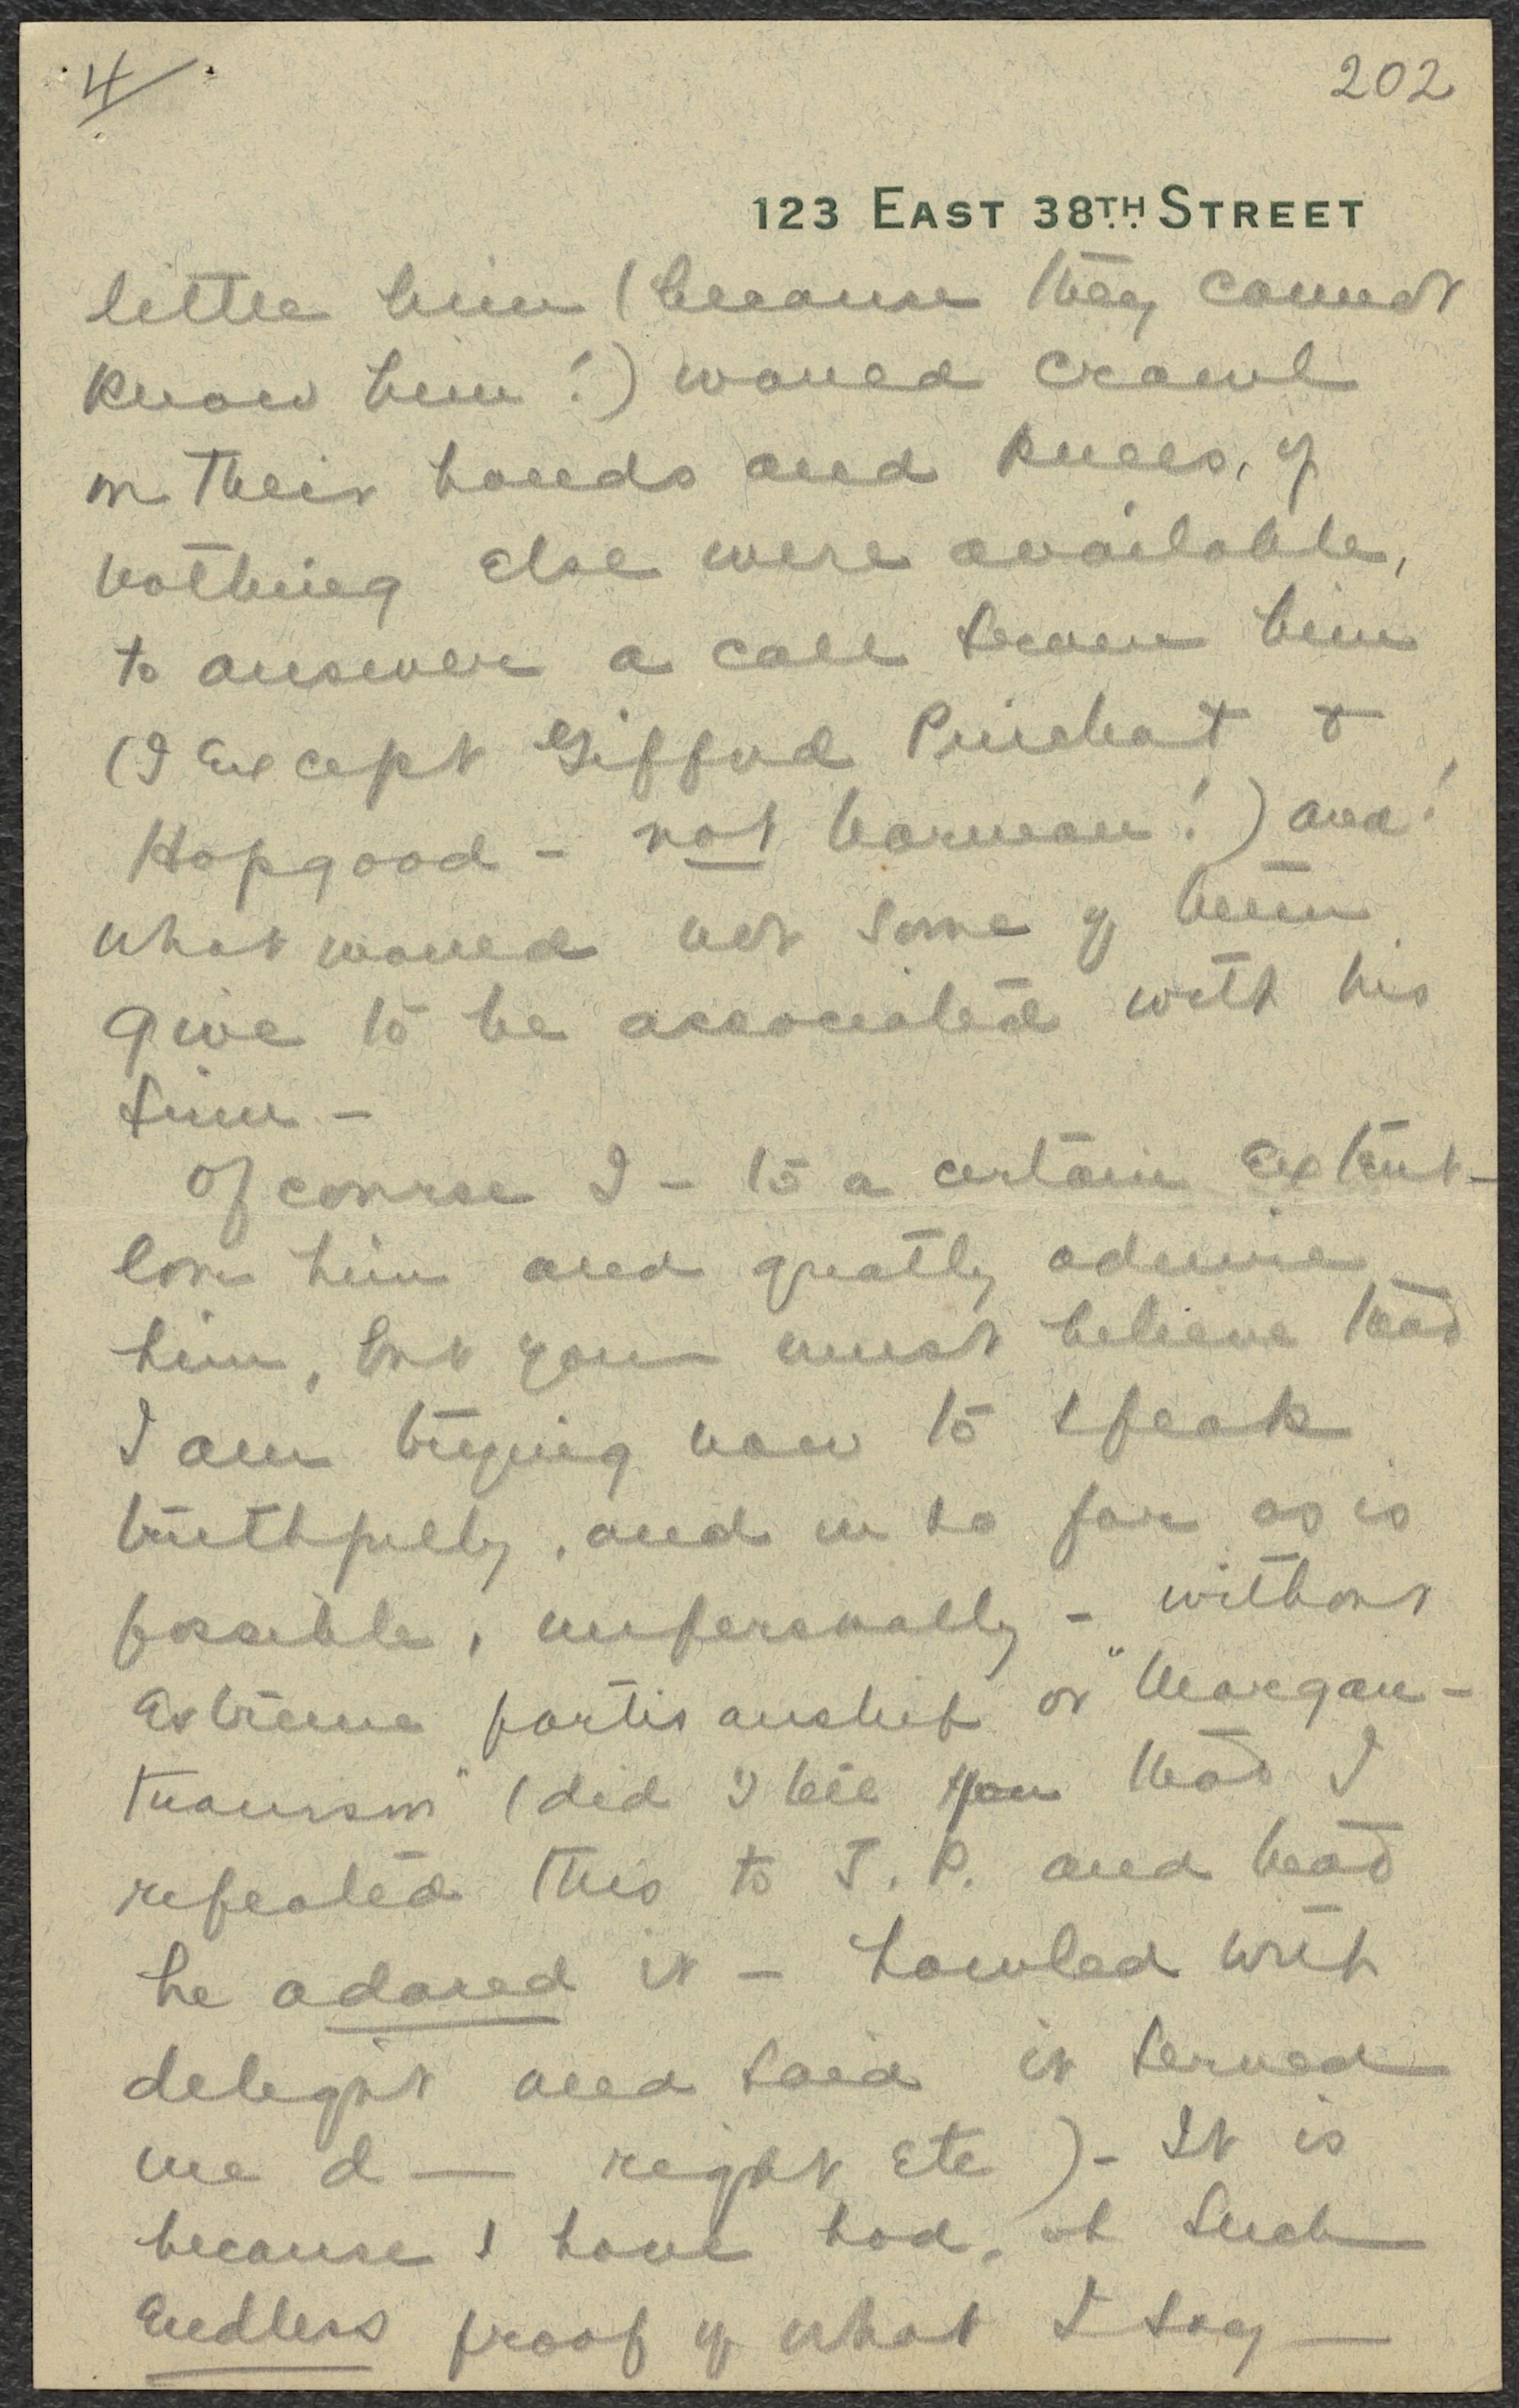him (because they cannot know him!) would crawl on their hands and knees, if nothing else were available, to answer a call from him (I except Gifford Prichot & Hopgood – not Norman!) and! what would not some of them give to be associated with his firm –
Of course I – to a certain extent – love him and greatly admire him, but you must believe that I am trying now to speak truthfully, and in so far as is possible, impersonally – without extreme partisanship or “Morgantuanism” (did I tell you that I repeated this to J.P. and that he adored it – howled with delight and said it served me d— right etc) – It is because I have had, of such endless proof of what I say –